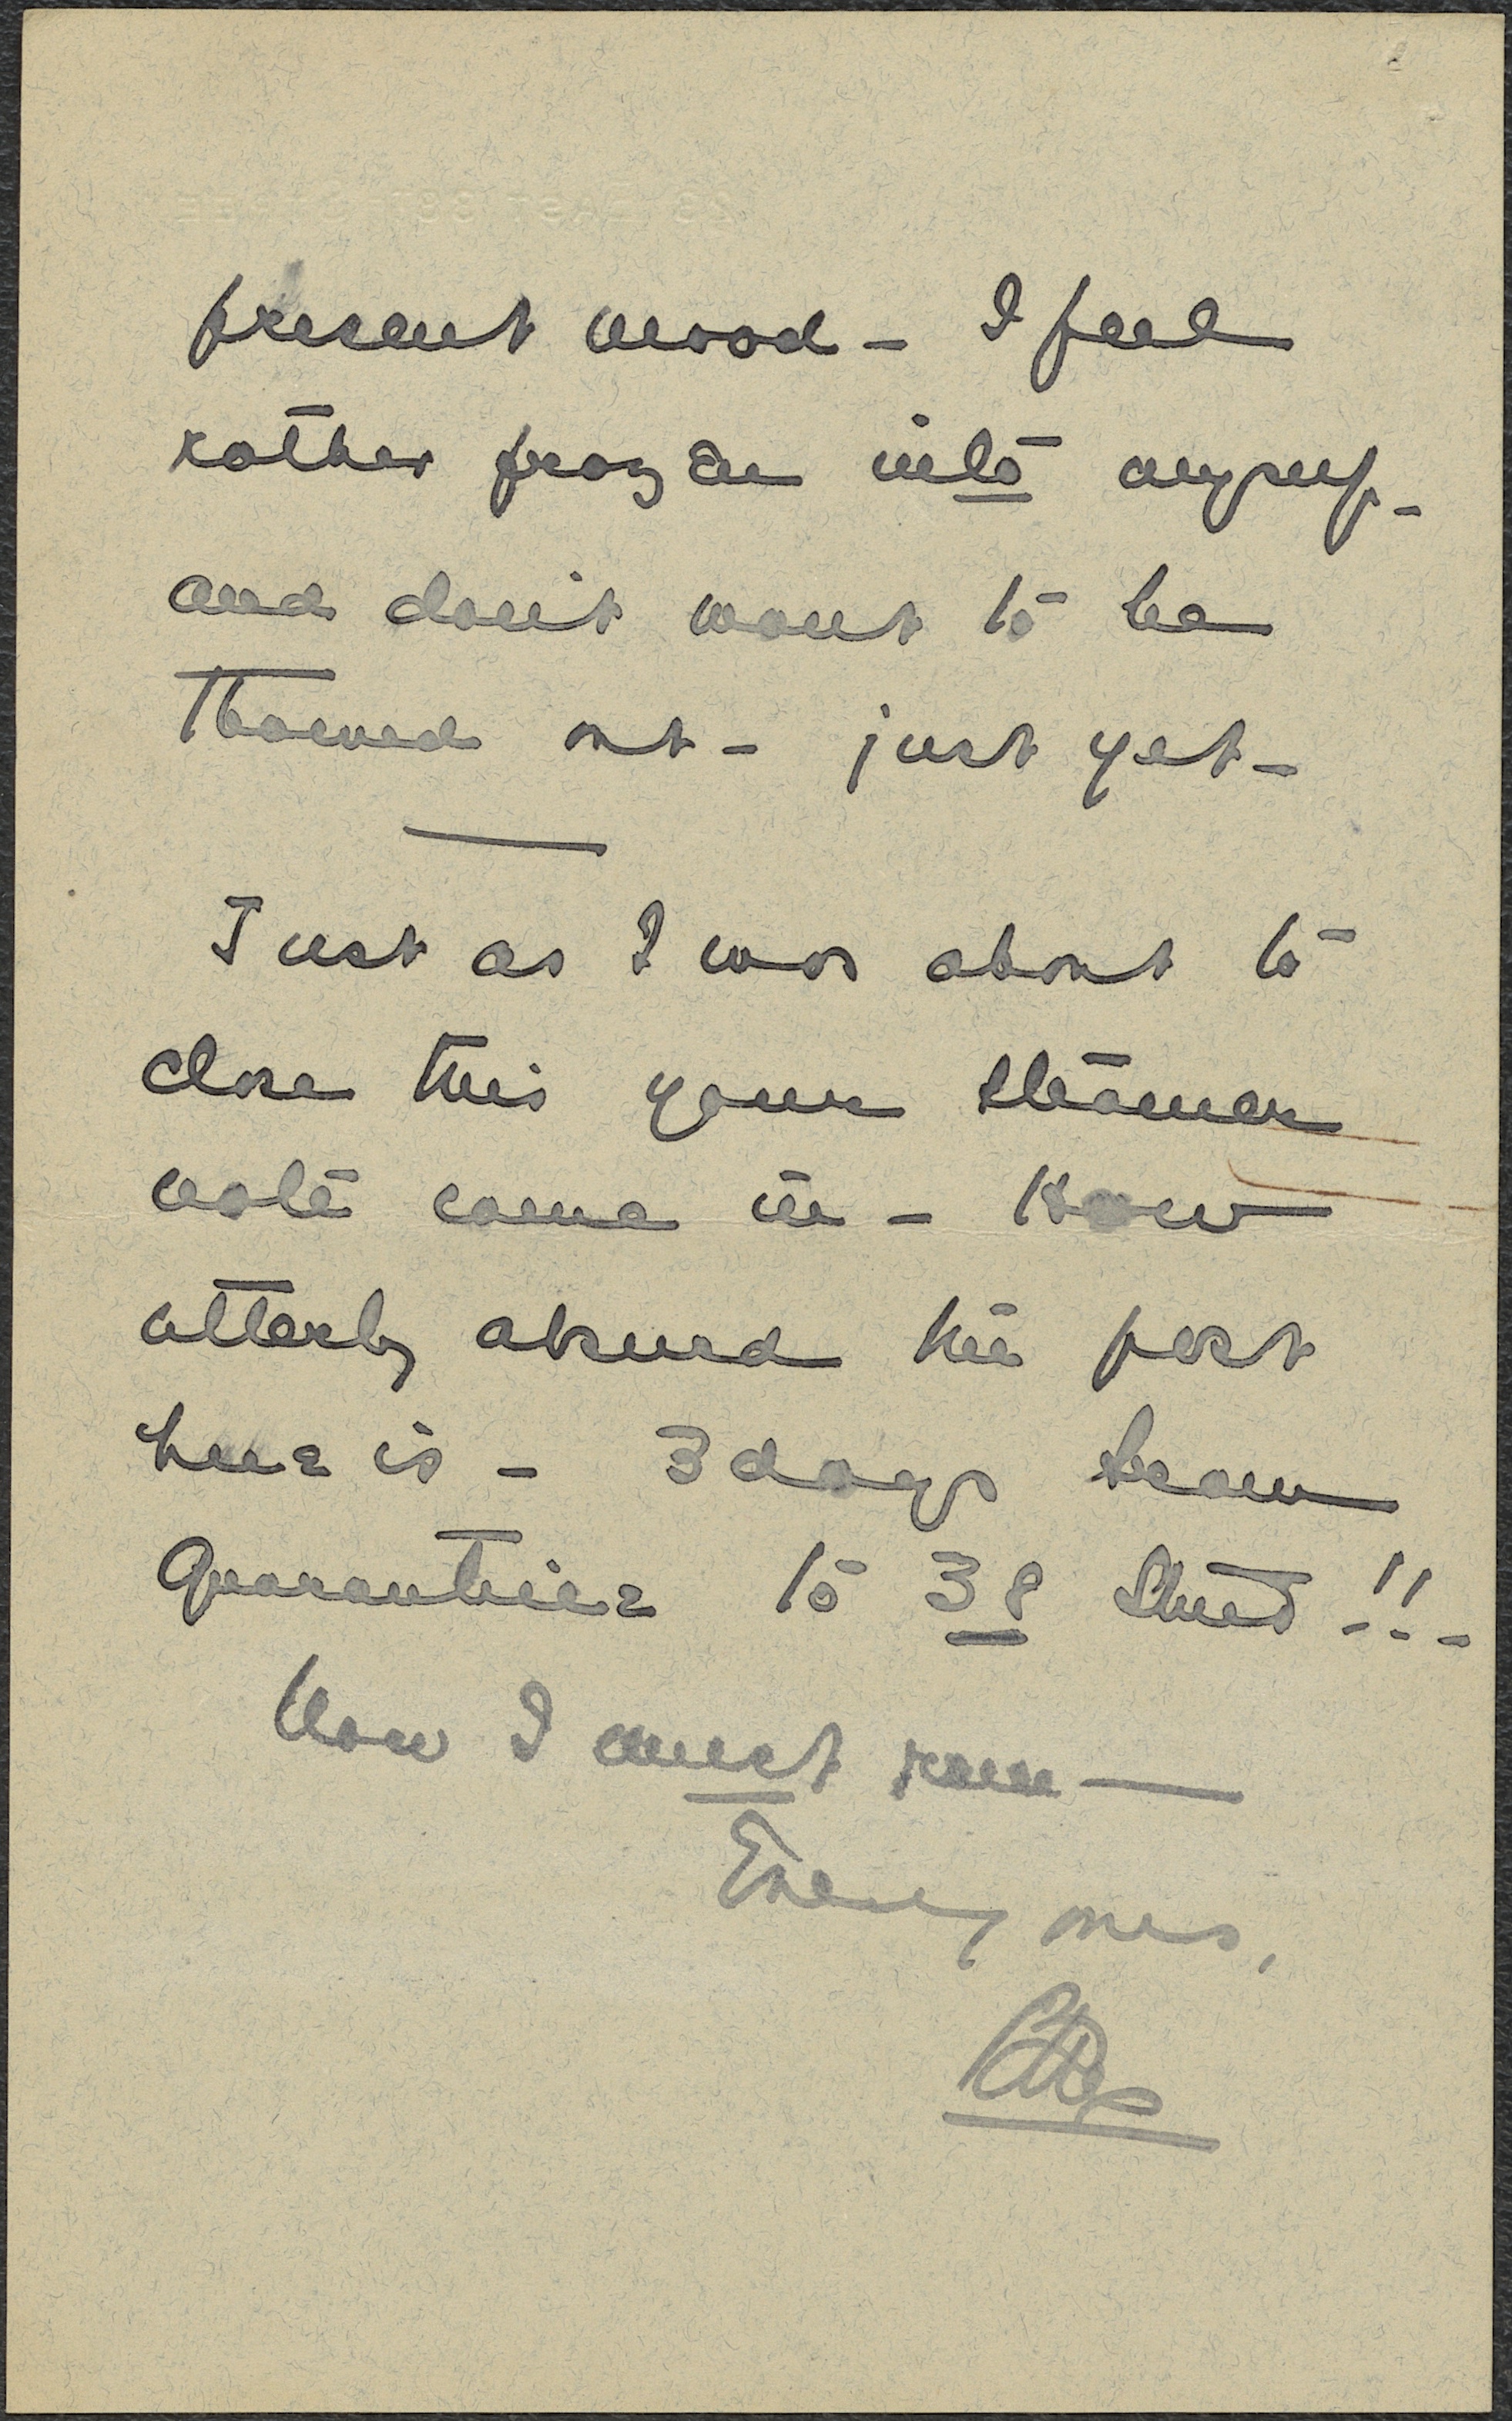present mood – I feel rather frozen into myself – and don't want to be thawed out – just yet –
Just as I was about to close this your steamer note came in – How utterly absurd the post here is – 3 days from Quarantine to 38 shut!
Now I must run –
Ever Yours,
Belle